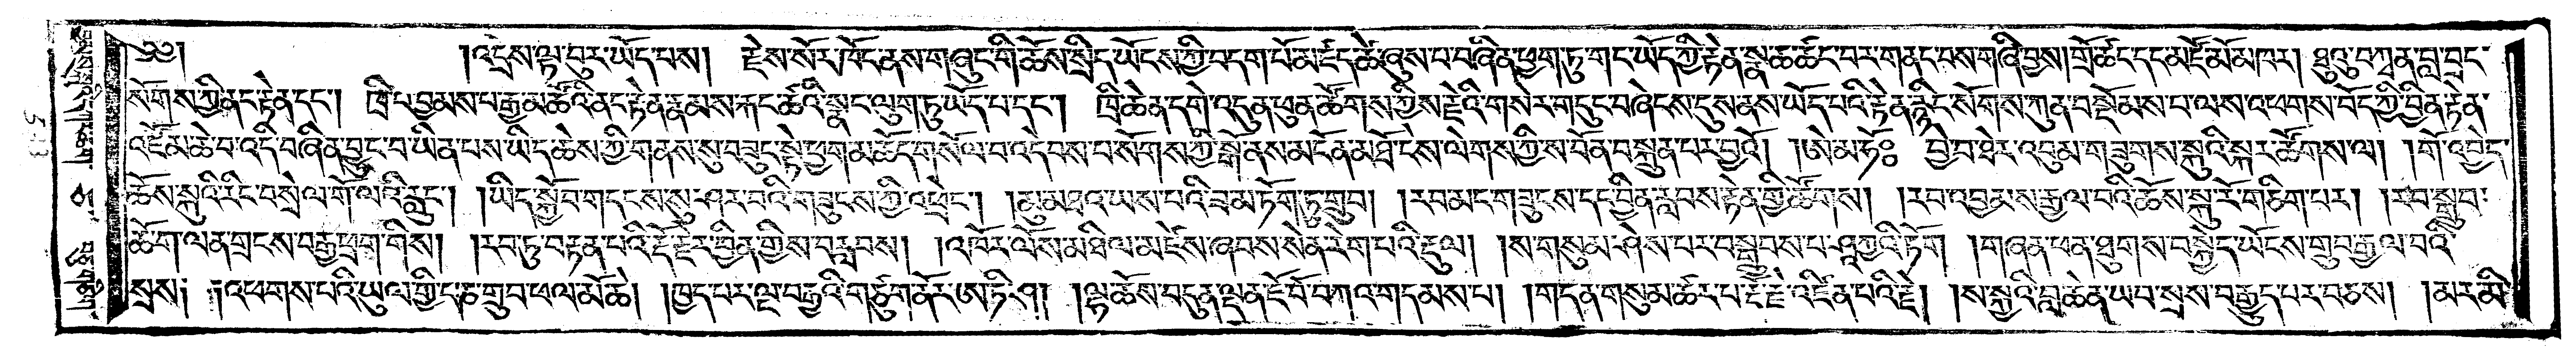༄༅། །འདྲེས་ལྟ་བུར་ཡོད་པས། རྗེས་སོར་ཁོང་ནས་གཞུང་གི་ཆོས་སྲིད་ཡོངས་ཀྱི་བདག་པོ་མཛད་ཚེ་ཞུས་པའི་བཞིན་ཕྱག་ཏུ་གང་ཡོད་ཀྱི་རྟེན་སྣ་ཆ་ཚང་བར་གནང་བས་གཞི་བྱས། གྲོ་ཚང་དང་མཛོ་མོ་མཁར། ཐུའུ་བཀྭན་བླ་བྲང་
སོགས་ཀྱི་ནང་རྟེན་དང་། ཁྲི་པ་བྱམས་པ་རྒྱ་མཚོའི་ནང་རྟེན་རྣམས་རྐང་ཚའི་སྣང་ལུག་ཏུ་ཡོད་པ་དང་། ཁྲི་ཆེན་དགེ་འདུན་ཕུན་ཚོགས་ཀྱིས་རྗེའི་གསེར་གདུང་བཞེངས་དུས་ནས་ཡོད་པའི་རྟེན་རྙིང་སོགས་ཀུན་བསྡོམས་པ་ལས་འཕགས་བོད་ཀྱི་བྱིན་རྟེན་
འཛོམ་ཆེ་བ་འདི་བཞིན་བྱུང་བ་ཡིན་པས་ཡིད་ཆེས་ཀྱི་གནས་སུ་བཟུང་སྟེ་ཕྱག་མཆོད་གསོལ་བ་འདེབས་བ་སོགས་ཀྱི་སྒོ་ནས་མངོན་མཐོ་ངེས་ལེགས་ཀྱི་ས་བོན་བསྐྲུན་པར་བྱའོ། །ཨེ་མ་ཧོཿ བྱེ་བ་ཐེར་འབུམ་གཟུགས་སྐུའི་སྐར་ཚོགས་ལ། །གོ་འབྱེད་
ཆོས་སྐུའི་རིང་བསྲེལ་གོ་ལའི་རླུང་། །ཡིད་སྐྱོབ་གདངས་སུ་ཤར་བའི་གཟུངས་ཀྱི་འཕྲེང་། །མུ་མཐའ་ཡས་པའི་ཟ་མ་ཏོག་ཏུ་གྲུབ། །རབ་མང་གཟུངས་དང་བྱིན་རླབས་རྟེན་གྱི་ཚོགས། །རབ་འབྱམས་རྒྱལ་པའི་ཆོས་སྐུ་རོ་གཅིག་པར། །རབ་སྒྲུབ་
ཆོ་ག་ལན་གྲངས་བརྒྱ་ཕྲག་གིས། །རབ་ཏུ་བརྟན་པའི་རྡོ་རྗེར་བྱིན་གྱིས་བརླབས། །འཁོར་ལོས་མཐིལ་མཛེས་ཞབས་སེན་རེག་པའི་རྡུལ། །ས་གསུམ་ཤེས་པར་བསྒྲུབས་པ་ཤཱཀྱའི་ཏོག །གཞན་ཕན་ཐུགས་བསྐྱེད་ཡོངས་གྲུབ་རྒྱལ་པའི་
སྲས༑ ༑འཕགས་པའི་ཡུལ་གྱི་པཎ་གྲུབ་ཕལ་མོ་ཆེ། །ཁྱད་པར་ལྔ་བརྒྱའི་གཙུག་ནོར་ཨཏི་ཤ། །ལྷ་ཆོས་བདུན་ལྡན་ཇོ་བོ་བཀའ་གདམས་པ། །གདན་གསུམ་ཚར་པ་རྡོ་རྗེ་འཛིན་པའི་རྗེ། །ས་སྐྱའི་བླ་ཆེན་ཡབ་སྲས་བརྒྱུད་པར་བཅས། །མར་མི་